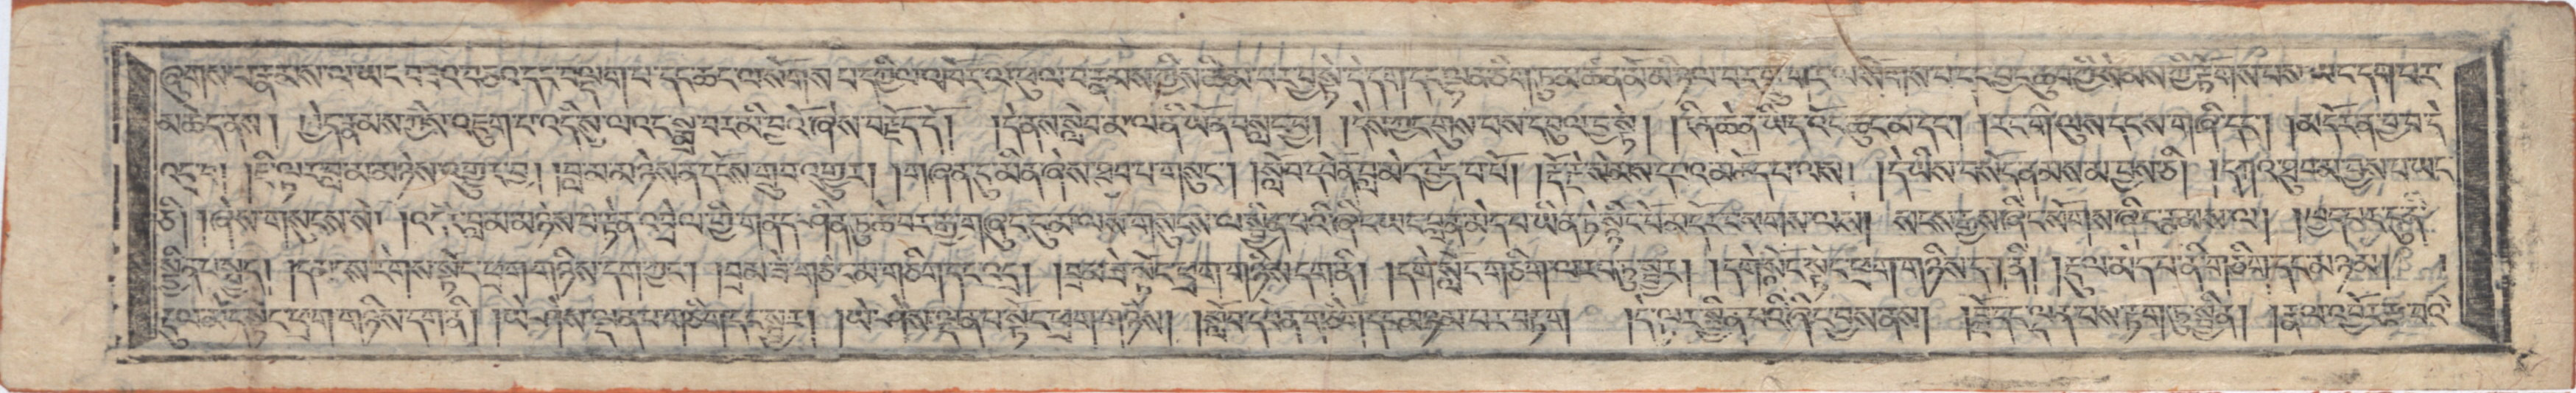ཞུགས་པ་རྣམས་ལ་ཡང་བཟའ་བཅའ་དང་བལྡག་པ་དང་ཆང་ལ་སོགས་པ་དཀྱིལ་འཁོར་ལ་ཕུལ་བ་རྣམས་ཀྱིས་ཚིམ་པར་བྱ་སྟེ་དེ་དག་དང་ལྷན་ཅིག་ཏུ་མཚན་མོ་མི་ཉལ་བར་གླུ་གར་ལ་སོགས་པ་དང་བྱང་ཆུབ་ཀྱི་སེམས་ཀྱི་རྟོགས་པས་ཡང་དག་པར་
མཆེད་ནས། །བྱེད་རྣམས་ཀྱིས་འཇུག་པ་འདི་སུ་ལའང་སྨྲ་བར་མི་བྱའོ་ཞེས་བརྗོད་དོ། །དེ་ནས་སློབ་མ་ལ་ནི་ཡོན་བསླང་བྱ། །དེས་ཀྱང་གུས་པས་དབུལ་བྱ་སྟེ། །རིན་ཆེན་ཡིད་འོང་ཆུང་མ་དང་། །རང་གི་ལུས་དང་ས་གཞི་དང་། །མདོར་ན་བྱ་བ་དེ་
འདྲ་བ། །ཇི་ལྟར་བླ་མ་མཉེས་འགྱུར་བྱ། །བླ་མ་མཉེས་ན་དངོས་གྲུབ་འགྱུར། །གཞན་དུ་མིན་ཞེས་ཐུབ་པ་གསུང་། །སློབ་དཔོན་བླ་མེད་བྱེད་པ་པོ། །རྡོ་རྗེ་སེམས་དཔའ་མཆོད་པ་ལས། །དེ་ཡིས་བསོད་ནམས་མ་བྱས་ཅི། །དཀའ་ཐུབ་མ་བྱས་པ་ཡང་
ཅི། །ཞེས་གསུངས་སོ། །འདིར་བླ་མ་མཉེས་པ་རྟེན་འབྲེལ་གྱི་གནད་ཤིན་ཏུ་ཆེ་བར་རྒྱ་གཞུང་དུ་མ་ལས་གསུངས་ལ་སྦྱིན་པའི་ཞིང་ཡང་བླ་ན་མེད་པ་ཡིན་ཏེ་སྙིང་པོ་མདོར་བསགས་ལས། སངས་རྒྱས་ཞིང་སོགས་ཞིང་རྣམས་ལ། །ཁྱད་པར་དུ་ནི་
སྦྱིན་པ་སྤྱད། །དམངས་རིགས་སྟོང་ཕྲག་གཉིས་དག་ཀྱང་། །བྲམ་ཟེ་གཙང་མ་གཅིག་དང་འདྲ། །བྲམ་ཟེ་སྟོང་ཕྲག་གཉིས་དག་ནི། །དགེ་སློང་གཅིག་ལ་རབ་ཏུ་སྦྱར། །དགེ་སློང་སྟོང་ཕྲག་གཉིས་དག་ནི། །རྡུལ་མེད་པ་ནི་གཅིག་དང་མཉམ། །
རྡུལ་མེད་སྟོང་ཕྲག་གཉིས་དག་ནི། །ཡེ་ཤེས་ལྡན་པ་གཅིག་དང་སྦྱར། །ཡེ་ཤེས་ལྡན་པ་སྟོང་ཕྲག་གཉིས། །སློབ་དཔོན་གཅིག་དང་མཉམ་པར་བརྟག །དེ་ལྟར་སྦྱིན་པའི་ཞིང་བྱས་ནས། །བློ་དང་ལྡན་པས་རྟག་ཏུ་སྦྱིན། །རྣལ་འབྱོར་རྩ་བའི་